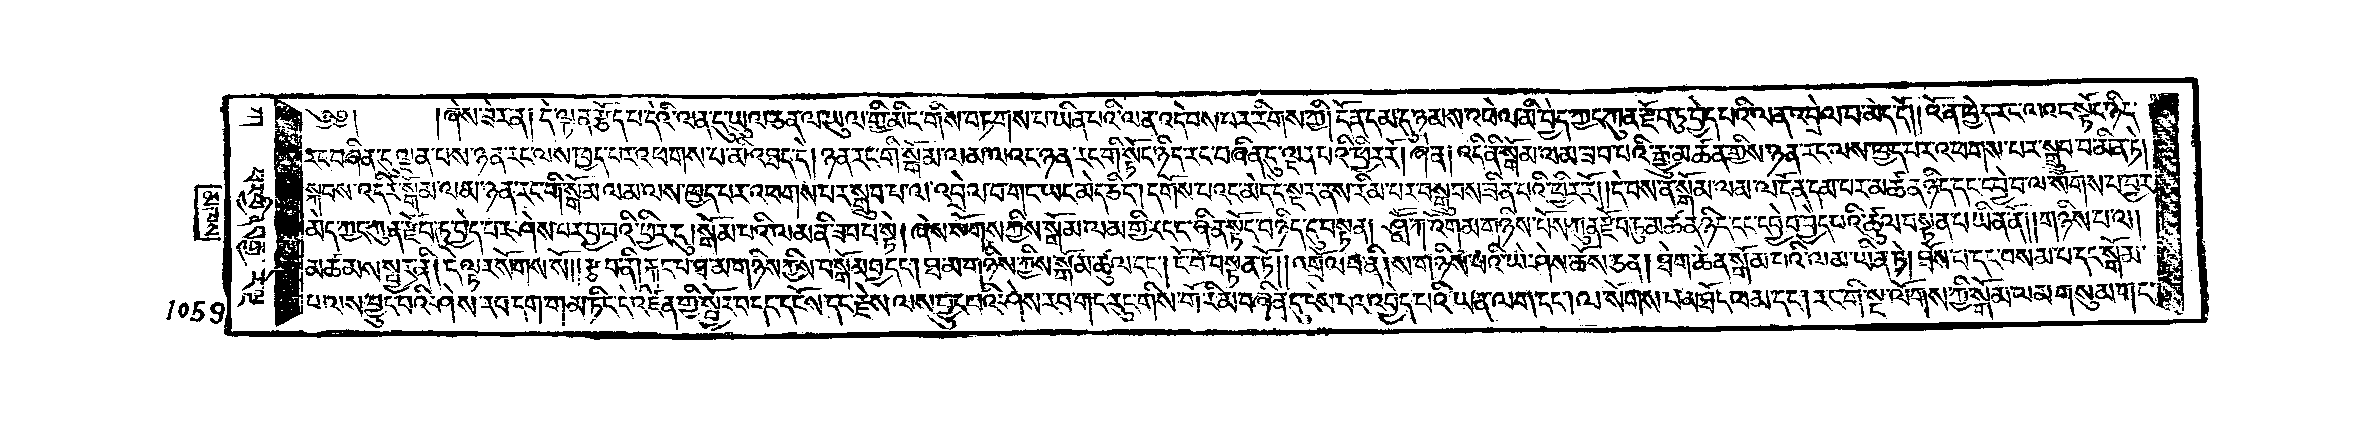༄༅། །ཞེས་ཟེར་ན། དེ་ལྟ་ན་རྩོད་པ་དེའི་ལན་དུ་ཡུལ་ཅན་ལ་ཡུལ་གྱི་མིང་གིས་བཏགས་པ་ཡིན་པའི་ལན་འདེབས་པར་རིགས་ཀྱི། དོན་དམ་དུ་ཉམས་འཕེལ་མི་བྱེད་ཀྱང་ཀུན་རྫོབ་ཏུ་བྱེད་པའི་ལན་འབྲེལ་བ་མེད་དོ། །འོ་ན་ཁྱེད་རང་ལའང་སྟོང་ཉིད་
རང་བཞིན་དུ་ལྡན་པས་ཉན་རང་ལས་ཁྱད་པར་འཕགས་པ་མི་འཐད་དེ། ཉན་རང་གི་སྒོམ་ལམ་ལའང་ཉན་རང་གི་སྟོང་ཉིད་རང་བཞིན་དུ་ལྡན་པའི་ཕྱིར་རོ། ཞེ་ན། འདི་ནི་སྒོམ་ལམ་ཟབ་པའི་རྒྱུ་མཚན་གྱིས་ཉན་རང་ལས་ཁྱད་པར་འཕགས་པར་སྒྲུབ་པ་མིན་ཏེ།
སྐབས་འདིར་སྒོམ་ལམ་ཉན་རང་གི་སྒོམ་ལམ་ལས་ཁྱད་པར་འཕགས་པར་སྒྲུབ་པ་ལ་འབྲེལ་བ་གང་ཡང་མེད་ཅིང་། དགོས་པའང་མེད་དེ་སྔར་ནས་རིམ་པར་བསྒྲུབས་ཟིན་པའི་ཕྱིར་རོ། །དེ་བས་ན་སྒོམ་ལམ་ལ་དོན་དམ་པར་མཚན་ཉིད་དང་དབྱེ་བ་ལ་སོགས་པ་བྱར་
མེད་ཀྱང་ཀུན་རྫོབ་ཏུ་བྱེད་པར་ཤེས་པར་བྱ་བའི་ཕྱིར་དུ། སྒོམ་པའི་ལམ་ནི་ཟབ་པ་སྟེ། ཞེས་སོགས་ཀྱིས་སྒོམ་ལམ་གྱི་རང་བཞིན་སྟོང་པ་ཉིད་དུ་བསྟན། ཤླཽ་ཀ་འོག་མ་གཉིས་པོས་ཀུན་རྫོབ་ཏུ་མཚན་ཉིད་དང་དབྱེ་བ་བྱེད་པའི་ཚུལ་བསྟན་པ་ཡིན་ནོ། །གཉིས་པ་ལ།
མཚམས་སྦྱར་ནི། དེ་ལྟར་སོགས་སོ། །རྩ་བ་ནི། རྐང་པ་ཐ་མ་གཉིས་ཀྱིས་བསྒོམ་བྱ་དང་། ཐ་མ་གཉིས་ཀྱིས་སྒོམ་ཚུལ་དང་། ངོ་བོ་བསྟན་ཏོ། །འགྲོལ་བ་ནི། ས་གཉིས་པའི་ཡེ་ཤེས་ཆོས་ཅན། ཐེག་ཆེན་སྒོམ་པའི་ལམ་ཡིན་ཏེ། ཐོས་པ་དང་བསམ་པ་དང་སྒོམ་
པ་ལས་བྱུང་བའི་ཤེས་རབ་དག་གམ་ཏིང་ངེ་འཛིན་གྱི་སྦྱོར་བ་དང་དངོས་དང་རྗེས་ལས་བྱུང་བའི་ཤེས་རབ་གང་རུང་གིས་གོ་རིམ་བཞིན་དུ་ངེས་པར་འབྱེད་པའི་ཡན་ལག་དང་། ལ་སོགས་པ་མཐོང་ལམ་དང་། རང་གི་སྔ་ལོགས་ཀྱི་སྒོམ་ལམ་གསུམ་གང་